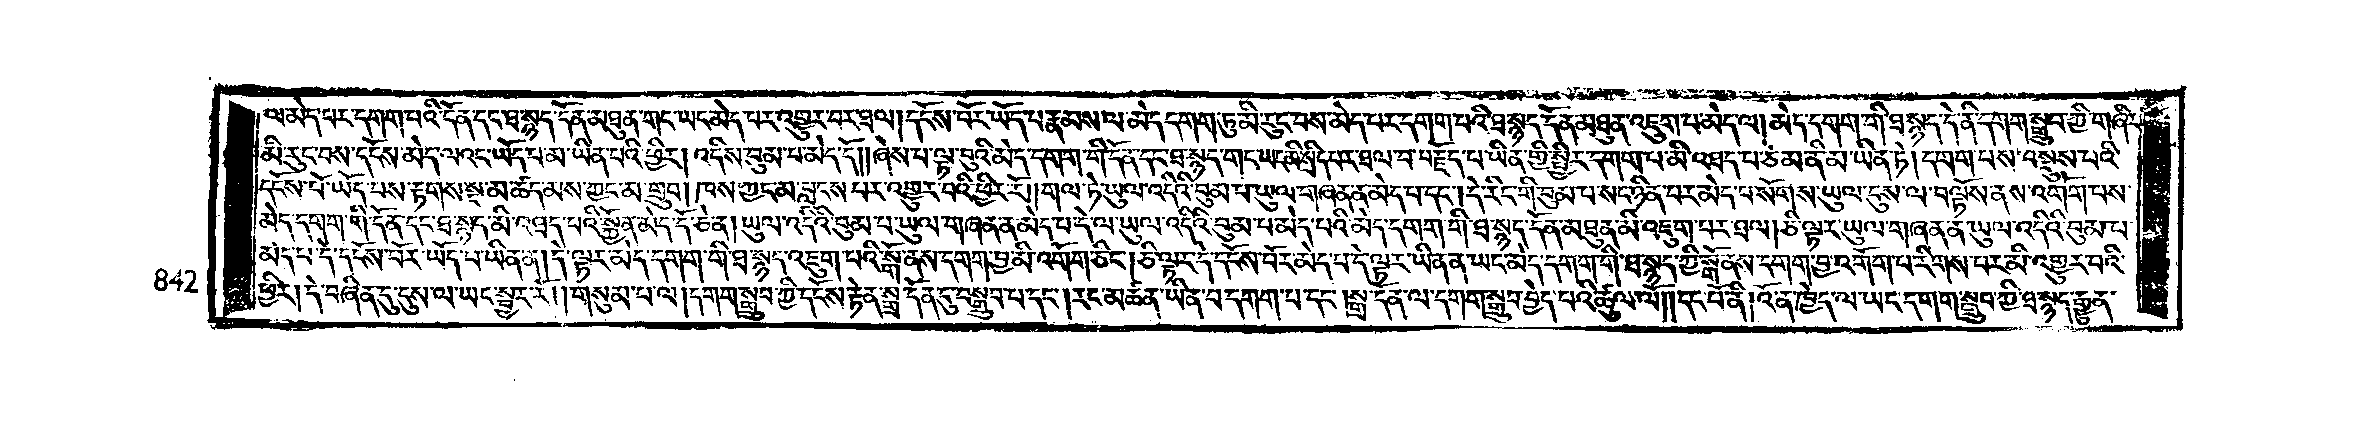ལ་མེད་པར་དགག་པའི་དོན་དང་ཐ་སྙད་དོན་མཐུན་གང་ཡང་མེད་པར་འགྱུར་བར་ཐལ། དངོས་པོར་ཡོད་པ་རྣམས་ལ་མེད་དགག་ཏུ་མི་རུང་བས་མེད་པར་དགག་པའི་ཐ་སྙད་དོན་མཐུན་འཇུག་པ་མེད་ལ། མེད་དགག་གི་ཐ་སྙད་དེ་ནི་དགག་སྒྲུབ་ཀྱི་གཞིར་
མི་རུང་བས་དངོས་མེད་ལའང་ཡོད་པ་མ་ཡིན་པའི་ཕྱིར། འདིས་བུམ་པ་མེད་དོ། །ཞེས་པ་ལྟ་བུའི་མེད་དགག་གི་དོན་དང་ཐ་སྙད་གང་ཡང་མི་སྲིད་པར་ཐལ་བ་བརྗོད་པ་ཡིན་གྱི་སྤྱིར་དགག་པ་མི་འཐད་པ་ཙམ་ནི་མ་ཡིན་ཏེ། དགག་པས་བསྡུས་པའི་
དངོས་པོ་ཡོད་པས་རྟགས་སྔ་མ་ཚད་མས་ཀྱང་མ་གྲུབ། ཁས་ཀྱང་མ་བླངས་པར་འགྱུར་བའི་ཕྱིར་རོ། །གལ་ཏེ་ཡུལ་འདིའི་བུམ་པ་ཡུལ་གཞན་ན་མེད་པ་དང་། དེ་རིང་གི་བུམ་པ་སང་ཉིན་པར་མེད་པ་སོགས་ཡུལ་དུས་ལ་བལྟོས་ནས་འགོག་པས་
མེད་དགག་གི་དོན་དང་ཐ་སྙད་མི་འཐད་པའི་སྐྱོན་མེད་དོ་ཅེ་ན། ཡུལ་འདིའི་བུམ་པ་ཡུལ་གཞན་ན་མེད་པ་དེ་ལ་ཡུལ་འདིའི་བུམ་པ་མེད་པའི་མེད་དགག་གི་ཐ་སྙད་དོན་མཐུན་མི་འཇུག་པར་ཐལ། ཅི་ལྟར་ཡུལ་གཞན་ན་ཡུལ་འདིའི་བུམ་པ་
མེད་པ་དེ་དངོས་པོར་ཡོད་པ་ཡིན་ན། དེ་ལྟར་མེད་དགག་གི་ཐ་སྙད་འཇུག་པའི་སྒོ་ནས་དགག་བྱ་མི་འགོག་ཅིང་། ཅི་ལྟར་དེ་དངོས་པོར་མེད་པ་དེ་ལྟར་ཡིན་ན་ཡང་མེད་དགག་གི་ཐ་སྙད་ཀྱི་སྒོ་ནས་དགག་བྱ་འགོག་པ་རིགས་པར་མི་འགྱུར་བའི་
ཕྱིར། དེ་བཞིན་དུ་དུས་ལ་ཡང་སྦྱར་རོ། །གསུམ་པ་ལ། དགག་སྒྲུབ་ཀྱི་དངོས་རྟེན་སྒྲ་དོན་དུ་བསྒྲུབ་པ་དང་། རང་མཚན་ཡིན་པ་དགག་པ་དང་། སྒྲ་དོན་ལ་དགག་སྒྲུབ་བྱེད་པའི་ཚུལ་ལོ། །དང་པོ་ནི། འོ་ན་ཁྱེད་ལ་ཡང་དགག་སྒྲུབ་ཀྱི་ཐ་སྙད་རྒྱུན་